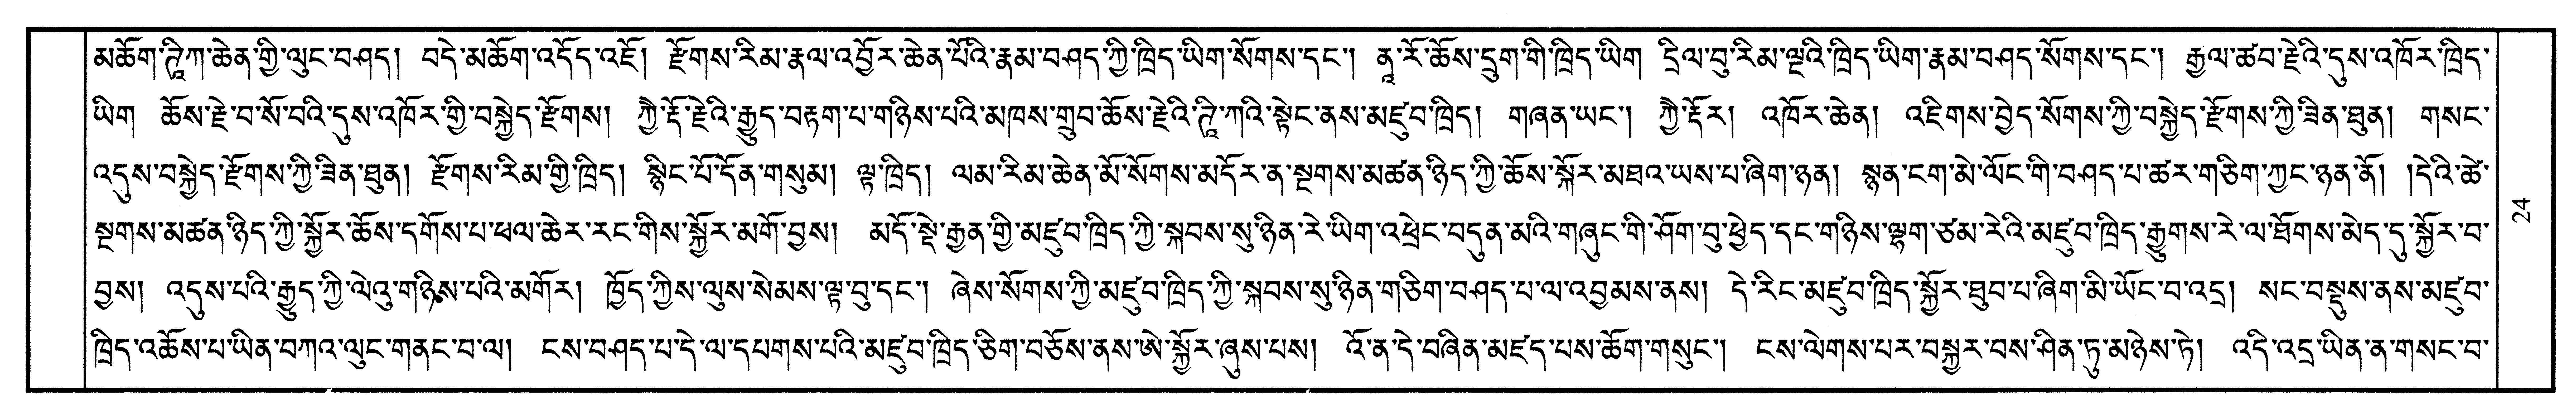མཆོག་ཊཱིཀ་ཆེན་གྱི་ལུང་བཤད། བདེ་མཆོག་འདོད་འཇོ། རྫོགས་རིམ་རྣལ་འབྱོར་ཆེན་པོའི་རྣམ་བཤད་ཀྱི་ཁྲིད་ཡིག་སོགས་དང་། ནཱ་རོ་ཆོས་དྲུག་གི་ཁྲིད་ཡིག །དྲིལ་བུ་རིམ་ལྔའི་ཁྲིད་ཡིག་རྣམ་བཤད་སོགས་དང་། རྒྱལ་ཚབ་རྗེའི་དུས་འཁོར་ཁྲིད་
ཡིག །ཆོས་རྗེ་བ་སོ་བའི་དུས་འཁོར་གྱི་བསྐྱེད་རྫོགས། ཀྱཻ་རྡོ་རྗེའི་རྒྱུད་བརྟག་པ་གཉིས་པའི་མཁས་གྲུབ་ཆོས་རྗེའི་ཊཱི་ཀའི་སྟེང་ནས་མཛུབ་ཁྲིད། གཞན་ཡང་། ཀྱཻ་རྡོར། འཁོར་ཆེན། འཇིགས་བྱེད་སོགས་ཀྱི་བསྐྱེད་རྫོགས་ཀྱི་ཟིན་ཐུན། གསང་
འདུས་བསྐྱེད་རྫོགས་ཀྱི་ཟིན་ཐུན། རྫོགས་རིམ་གྱི་ཁྲིད། སྙིང་པོ་དོན་གསུམ། ལྟ་ཁྲིད། ལམ་རིམ་ཆེན་མོ་སོགས་མདོར་ན་སྔགས་མཚན་ཉིད་ཀྱི་ཆོས་སྐོར་མཐའ་ཡས་པ་ཞིག་ཉན། སྙན་ངན་མེ་ལོང་གི་བཤད་པ་ཚར་གཅིག་ཀྱང་ཉན་ནོ། །དེའི་ཚེ་
སྔགས་མཚན་ཉིད་ཀྱི་སྐྱོར་ཆོས་དགོས་པ་ཕལ་ཆེར་རང་གིས་སྐྱོར་མགོ་བྱས། མདོ་སྡེ་རྒྱན་གྱི་མཛུབ་ཁྲིད་ཀྱི་སྐབས་སུ་ཉིན་རེ་ཡིག་འཕྲེང་བདུན་མའི་གཞུང་གི་ཤོག་བུ་ཕྱེད་དང་གཉིས་ལྷག་ཙམ་རེའི་མཛུབ་ཁྲིད་རྒྱུགས་རེ་ལ་ཐོགས་མེད་དུ་སྐྱོར་བ་
བྱས། འདུས་པའི་རྒྱུད་ཀྱི་ལེའུ་གཉིས་པའི་མགོར། ཁྱོད་ཀྱིས་ལུས་སེམས་ལྟ་བུ་དང་། ཞེས་སོགས་ཀྱི་མཛུབ་ཁྲིད་ཀྱི་སྐབས་སུ་ཉིན་གཅིག་བཤད་པ་ལ་འབྱམས་ནས། དེ་རིང་མཛུབ་ཁྲིད་སྐྱོར་ཐུབ་པ་ཞིག་མི་ཡོང་བ་འདྲ། སང་བསྡུས་ནས་མཛུབ་
ཁྲིད་འཆོས་པ་ཡིན་བཀའ་ལུང་གནང་བ་ལ། ངས་བཤད་པ་དེ་ལ་དཔགས་པའི་མཛུབ་ཁྲིད་ཅིག་བཅོས་ནས་ཨེ་སྐྱོར་ཞུས་པས། འོ་ན་དེ་བཞིན་མཛད་པས་ཆོག་གསུང་། ངས་ལེགས་པར་བསྐྱར་བས་ཤིན་ཏུ་མཉེས་ཏེ། འདི་འདྲ་ཡིན་ན་གསང་བ་